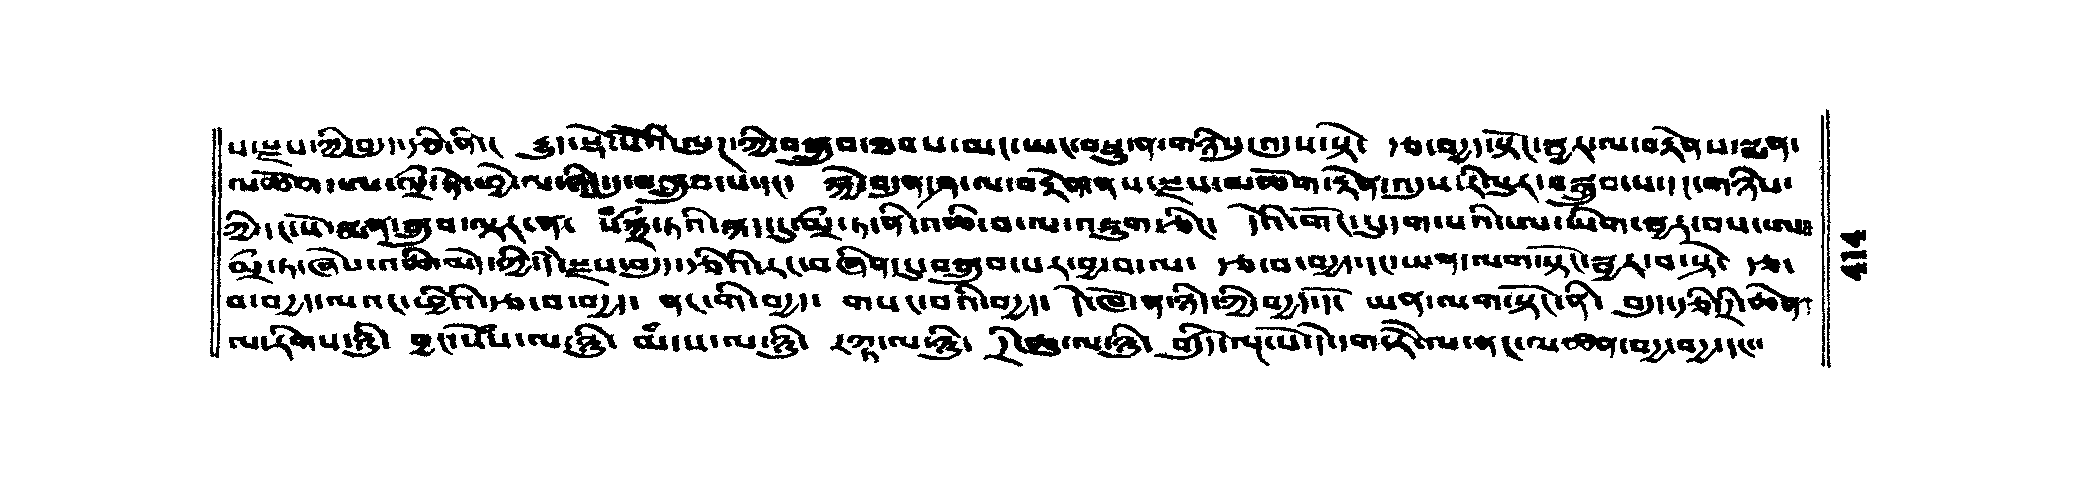པ་རྫས་ཀྱི་བདུད་རྩི་ནི། རྒྱུད་སྡེ་སོ་སོའི་ལུགས་ཀྱི་བསྒྲུབ་ཐབས་མང་ཡང་བསྡུ་ན་གཉིས་སུ་འདུས་ཏེ། རྩ་བརྒྱད་སྟོང་སྦྱར་ལ་བརྟེན་ནས་སྨན་
མཆོག་ཨ་མྲྀ་ཏ་ཕྱི་མ་ཉིད་དུ་བསྒྲུབ་པ་དང་། སྐྱེ་བདུན་ཤ་ལ་བརྟེན་ནས་རྫས་མཆོག་རྟེན་འདུས་རིལ་བུ་བསྒྲུབ་པ་དང་གཉིས་
ཀྱི་དང་པོ་སྨན་སྒྲུབ་ལྟར་ན། སཾ་སྐྲྀ་ཏའི་སྐད་དུ་མྲྀ་ཏ་ནི་འཆི་བ་ལ་འཇུག་ཅིང་། དེའི་གོང་དུ་དག་པའི་ཨ་ཡིག་སྦྱར་བས་ཨ་
མྲྀ་ཏ་ཞེས་འཆི་མེད་ཀྱི་དམ་རྫས་བདུད་རྩིའི་རང་བཞིན་དུ་བསྒྲུབ་པར་བྱ་བ་ལ་རྩ་བརྒྱད་ཡན་ལག་སྟོང་སྦྱར་བ་སྟེ། རྩ་
བ་བརྒྱད་ལའང་ཕྱིའི་རྩ་བ་བརྒྱད། ནང་གི་བརྒྱད། གསང་བའི་བརྒྱད། དེ་ཁོ་ཉིད་ཀྱི་བརྒྱད་དོ། ཡན་ལག་སྟོང་ནི། བདུད་རྩི་དྲི་ཆེན་
ལ་རིགས་ཉི་ཤུ།བྱང་སེམས་ལ་ཉི་ཤུ། མཾ་ས་ལ་ཉི་ཤུ། རཀྟ་ལ་ཉི་ཤུ། དྲི་ཆུ་ལ་ཉི་ཤུ། བདུད་རྩི་ལྔ་པོ་དེ་དག་རེ་རེ་ལ་ནང་ཚན་བརྒྱ་བརྒྱ་དང་།